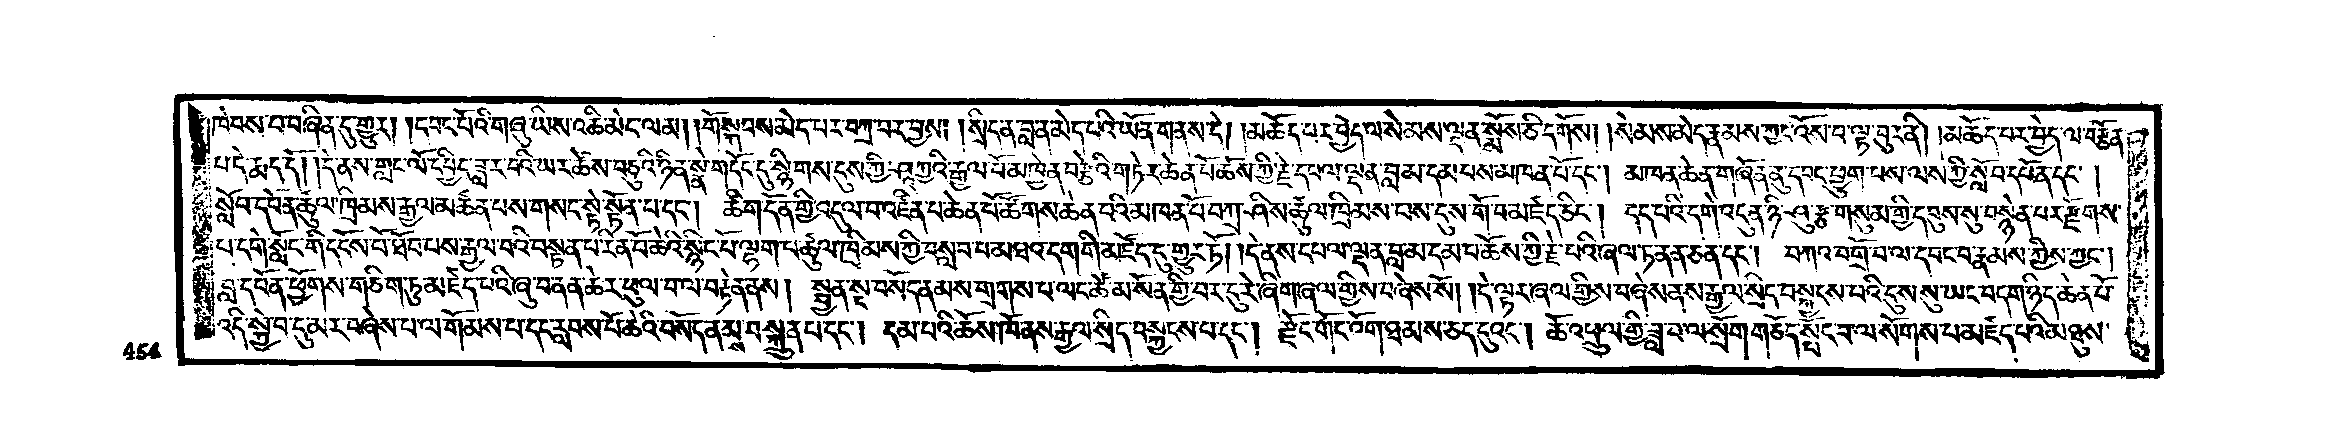ཁེབས་པ་བཞིན་དུ་གྱུར། །དབང་པོའི་གཞུ་ཡིས་འཆི་མེད་ལམ། །གོ་སྐབས་མེད་པར་བཀྲ་བར་བྱས། །སྲིད་ན་བླ་ན་མེད་པའི་ཡོན་གནས་དེ། །མཆོད་པར་བྱེད་ལ་སེམས་ལྡན་སྨོས་ཅི་དགོས། །སེམས་མེད་རྣམས་ཀྱང་འོས་པ་ལྟ་བུར་ནི། །མཆོད་པར་བྱེད་ལ་བརྩོན་
པ་དེ་རྨད་དོ། །དེ་ནས་གླང་ལོ་དཔྱིད་ཟླ་ར་བའི་ཡར་ཚེས་བཅུའི་ཉིན་སྣེ་གདོང་དུ་སྙིགས་དུས་ཀྱི་ཤཱཀྱའི་རྒྱལ་པོ་མཁྱེན་བརྩེའི་གཏེར་ཆེན་པོ་ཆོས་ཀྱི་རྗེ་དཔལ་ལྡན་བླ་མ་དམ་པས་མཁན་པོ་དང་། མཁན་ཆེན་གཞོན་ནུ་དབང་ཕྱུག་པས་ལས་ཀྱི་སློབ་དཔོན་དང་།
སློབ་དཔོན་ཚུལ་ཁྲིམས་རྒྱལ་མཚན་པས་གསང་སྟེ་སྟོན་པ་དང་། ཚིག་དོན་གྱི་འདུལ་བ་འཛིན་པ་ཆེན་པོ་ཚོགས་ཆེན་པའི་མཁན་པོ་བཀྲ་ཤིས་ཚུལ་ཁྲིམས་པས་དུས་གོ་བ་མཛད་ཅིང་། དད་པའི་དགེ་འདུན་ཉི་ཤུ་རྩ་གསུམ་གྱི་དབུས་སུ་བསྙེན་པར་རྫོགས་
པ་དགེ་སློང་གི་དངོས་པོ་ཐོབ་པས་རྒྱལ་བའི་བསྟན་པ་རིན་པོ་ཆེའི་སྙིང་པོ་ལྷག་པ་ཚུལ་ཁྲིམས་ཀྱི་བསླབ་པ་མཐའ་དག་གི་མཛོད་དུ་གྱུར་ཏོ། །དེ་ནས་དཔལ་ལྡན་བླ་མ་དམ་པ་ཆོས་ཀྱི་རྗེ་པའི་ཞལ་ཏ་ནན་ཅན་དང་། བཀའ་བགྲོ་བ་ལ་དབང་བ་རྣམས་ཀྱིས་ཀྱང་།
བླ་དཔོན་ཕྱོགས་གཅིག་ཏུ་མཛེད་པའི་ཞུ་བ་ནན་ཆེར་ཕུལ་བ་ལ་བརྟེན་ནས། སྤྱན་སྔ་བསོད་ནམས་གྲགས་པ་ལང་ཚོ་མ་སོན་གྱི་བར་དུ་རེ་ཞིག་ཞལ་གྱིས་བཞེས་སོ། །དེ་ལྟར་ཞལ་གྱིས་བཞེས་ནས་རྒྱལ་སྲིད་བསྐྱངས་པའི་དུས་སུ་ཡང་བདག་ཉིད་ཆེན་པོ་
འདི་སྐྱེ་བ་དུ་མར་བཞེས་པ་ལ་གོམས་པ་དང་རླབས་པོ་ཆེའི་བསོད་ནམས་བསྐྲུན་པ་དང་། དམ་པའི་ཆོས་ཁོ་ནས་རྒྱལ་སྲིད་བསྐྱངས་པ་དང་། རྫོང་གོང་འོག་ཐམས་ཅད་དུའང་། ཆོ་འཕྲུལ་གྱི་ཟླ་བ་ལ་སྲོག་གཅོད་སྤོང་བ་ལ་སོགས་པ་མཛད་པའི་མཐུས་